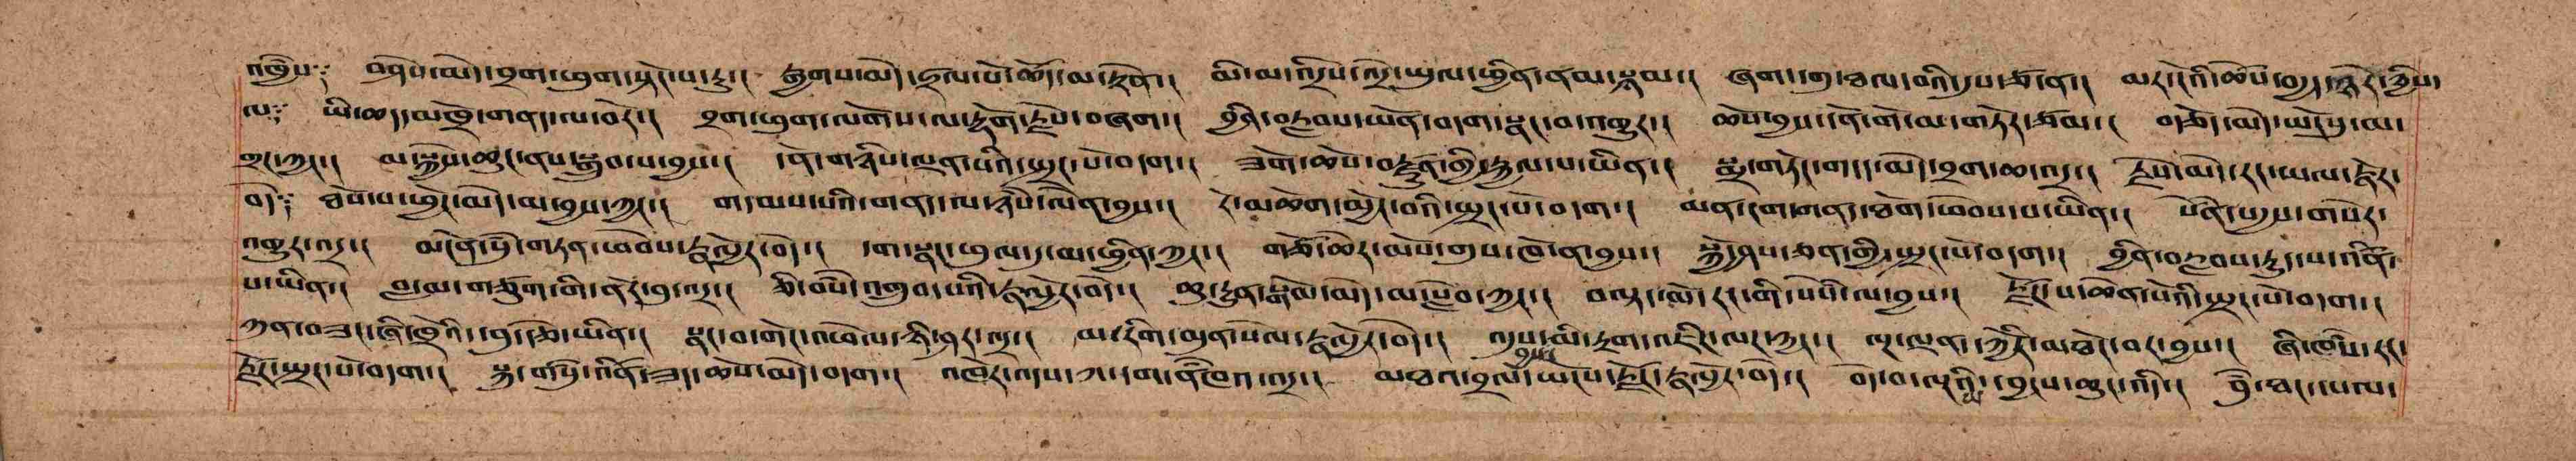འཁྱམས།། བཤེས་མེད་བྲག་ཕུག་སྟོང་པ་རུ།། རྒྱགས་མེད་ཧྲལ་པོ་ཚོད་མ་རྟེན།། མི་མ་འདྲིས་འདྲེ་ཡུལ་ཕྱིན་ནམ་སྙམ།། ཞག་དགུ་ཐལ་བའི་དུས་ཙ་ན།། མར་ངོའི་ཚེས་བརྒྱད་ཉེར་གཅིག་
ལ།། ཡི་ཆད་མཁའ་འགྲོ་གནད་ལ་བོར།། བྲག་ཕུག་ལོགས་ལ་རྡོག་རྗེས་བཞག།། བྱིན་རླབས་ཡོན་བདག་སྣང་བ་འབྱུང་།། ཆོས་བྱས་དོན་གོ་མ་གཏོར་ཙམ།། རྩོད་མེད་ཡོངས་སུ་མ་
གྲགས་ཀྱང་།། མ་སྐྱེས་ཆུང་ནས་སྒྲུབ་པ་བྱས།། དོན་གཉིས་ལྡན་པའི་སྤྲང་པོ་བདག། ཟོག་ཆོས་བརྫུན་གྱིས་རྐྱལ་པ་ཡིན།། སྨྲ་གཏོང་གདད་མེད་བྲག་ཆ་འདྲ།། རྗེས་མེད་རང་ཡལ་རྣལ་འབྱོར་
བདེ།། ཐོས་པ་ཕྱོགས་མེད་མ་བྱས་ཀྱང་།། གདམས་པའི་གནད་ལ་ཉམས་ལེན་བྱས།། རོ་མཆོག་མྱོང་བའི་སྤྲང་པོ་བདག། མན་ངག་གནད་ཐོག་ཕེབས་པ་ཡིན།། སེམས་ཅན་སངས་རྒྱས་གསེར་
འགྱུར་འདྲ།། མངོན་སུམ་གཏན་ཕེབས་རྣལ་འབྱོར་བདེ།། དག་སྣང་ཕུལ་དུ་མ་ཕྱིན་ཀྱང་། གཙོ་ཆེར་མོས་གུས་ཁོ་ནས་བྱས། སྐྱོ་ཤས་ཙམ་གྱི་སྤྲང་པོ་བདག བྱིན་བརླབས་ཏུད་པ་འཇིག་རྟེན་
པ་ཡིན། བླ་མ་གཙུག་གི་ནོར་ུབུ་འདྲ། ཅི་བསམ་འགྲུབ་པའི་རྣལ་འབྱོར་བདེ། ཆུ་རྒྱུན་སྒོམ་མེད་མ་སླེབ་ཀྱང་།། བལྟར་མེད་རང་གི་སེམས་ལ་བྱས།། རྫོགས་པ་ཆེན་པོའི་སྤྲང་པོ་བདག། 
ཀུན་བཟང་ཞི་ཁྲོའི་དབུ་རྩེ་ཡིན།། སྣང་བ་གོང་འཕེལ་ཉི་ཤར་འདྲ།། མ་རིག་མུན་སེལ་རྣལ་འབྱོར་བདེ།། འདུས་བྱས་མི་རྟག་འཇིགས་ལགས་ཀྱང་།། ལྔ་ལྡན་དཀྱིལ་འཁོར་མཐོང་བར་བྱས།། ཞིང་ཁམས་རང་
རྫོགས་སྤྲང་པོ་བདག། སྐུ་གསུམ་འཛིན་ཟད་ཆོས་མེད་བདག། འཁོར་འདས་ཀ་དག་ནམ་མཁའ་འདྲ།། མཐའ་བྲལ་ཡོངས་རྫོགས་རྣལ་འབྱོར་བདེ།། བདེ་བ་ལྔའི་དབྱངས་ཆུང་འདི།། བུམ་ཐང་དཔལ་